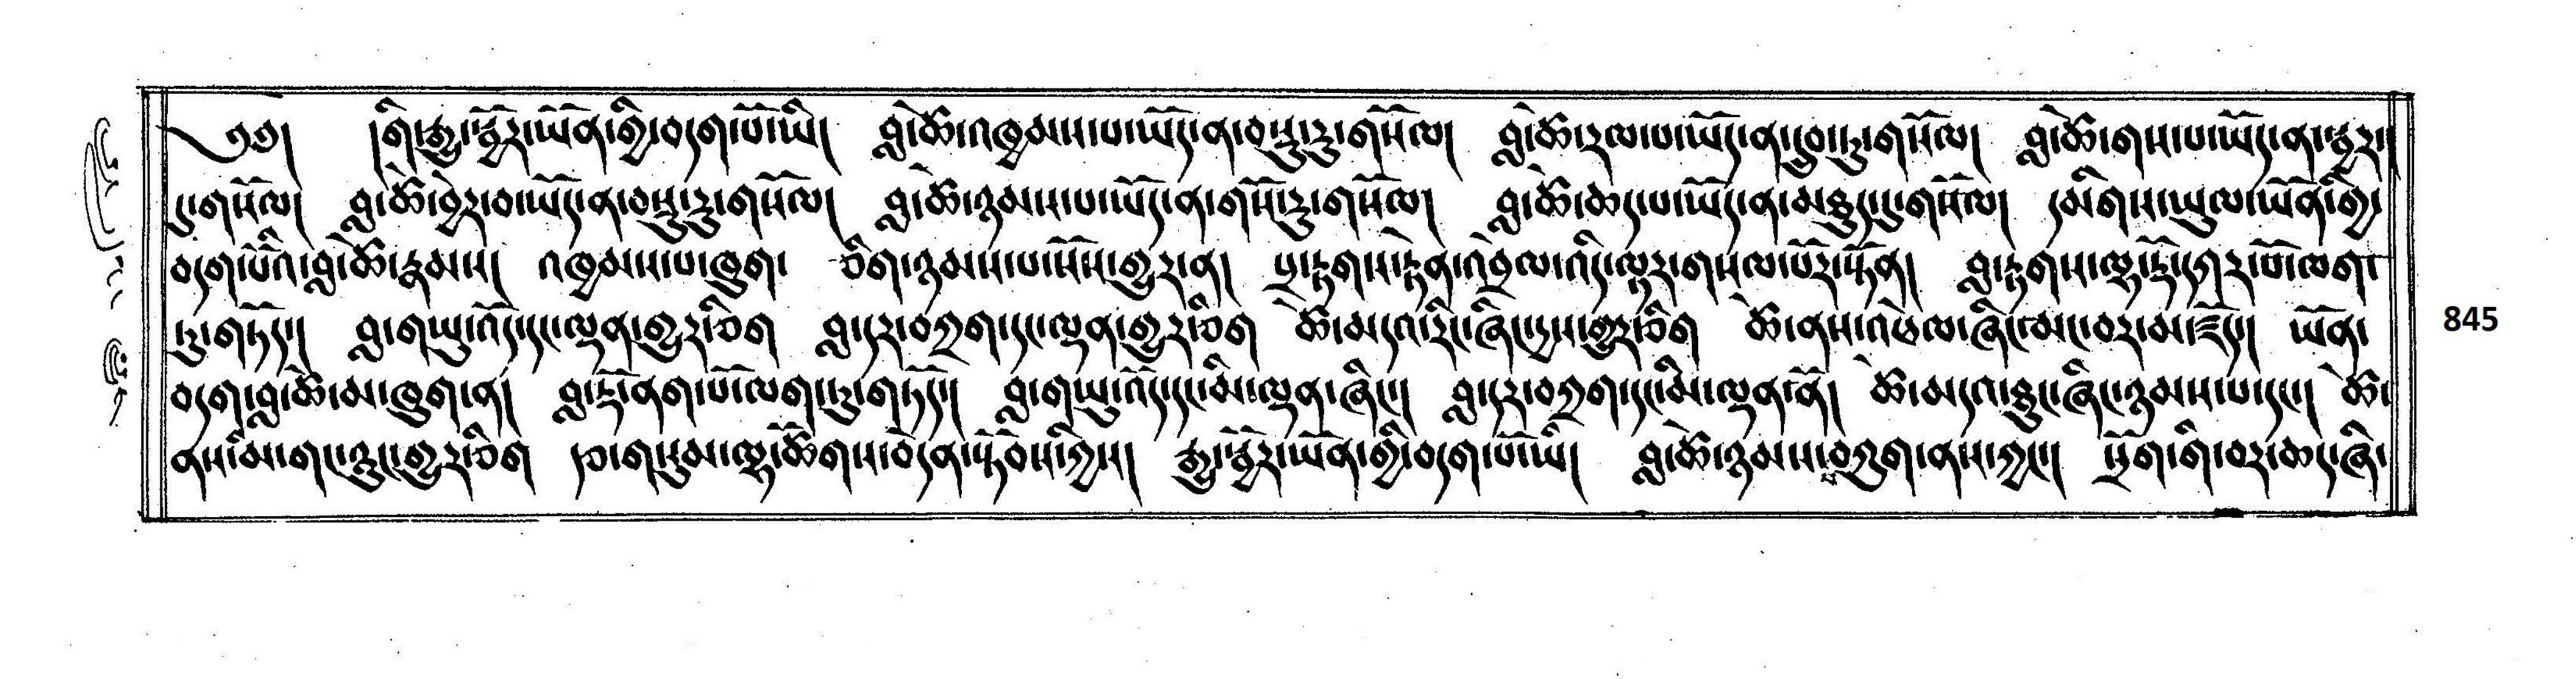གི་རྒྱུ་སྦྱོར་ཡོན་གྱི་བདག་པོ་ཡི། བློ་ཚེ་འཁྱམས་པ་ཡོད་ན་བསྡུ་རུ་གསོལ། བླ་ཚེ་རལ་པ་ཡོད་ན་དྲུབ་ཏུ་གསོལ། བླ་ཚེ་གས་པ་ཡོད་ན་སྦྱར་
དུ་གསོལ། བླ་ཚེ་བྱེར་བ་ཡོད་ན་བསྡུ་རུ་གསོལ། བླ་ཚེ་ཉམས་པ་ཡོད་ན་གསོ་རུ་གསོལ། བླ་ཚེ་ཆད་པ་ཡོད་ན་མཐུད་དུ་གསོལ། དམིགས་ཡུལ་ཡོན་གྱི་
བདག་པོའི་བླ་ཚེ་རྣམས། འཁྱམས་པ་ཁུག་ཅིག་ཉམས་པ་སོས་གྱུར་ན། པྲ་རྟགས་རྟེན་འབྲེལ་འདི་ལྟར་གསལ་པོར་སྟོན། བླ་རྟགས་ལྷ་རྡོ་དཀར་པོ་ལག་
ཏུ་གཏོད། བླ་གཡུ་འོད་དང་ལྡན་གྱུར་ཅིག བླ་དར་བཀྲག་དང་ལྡན་གྱུར་ཅིག ཚེ་མདའ་རིང་ཞིང་རྒྱས་གྱུར་ཅིག ཚེ་ནས་འཕེལ་ཞིང་མང་བར་མཛོད། ཡོན་
བདག་བླ་ཚེ་མ་ཁུག་ན། བླ་རྡོ་ནག་པོ་ལག་ཏུ་གཏོད། བླ་གཡུ་འོད་དང་མི་ལྡན་ཞིང་། བླ་དར་བཀྲག་དང་མི་ལྡན་ནོ། ཚེ་མདའ་ཐུང་ཞིང་ཉམས་པ་དང་། ཚེ་
ནས་མི་གང་ཉུང་གྱུར་ཅིག རྩ་གསུམ་ལྷ་ཚོགས་བདེན་སྟོབས་ཀྱིས། རྒྱུ་སྦྱོར་ཡོན་གྱི་བདག་པོ་ཡི། བླ་ཚེ་ཉམས་པ་བཀུག་ནས་ཀྱང་། སྲོག་གི་བར་ཆད་ཞི་